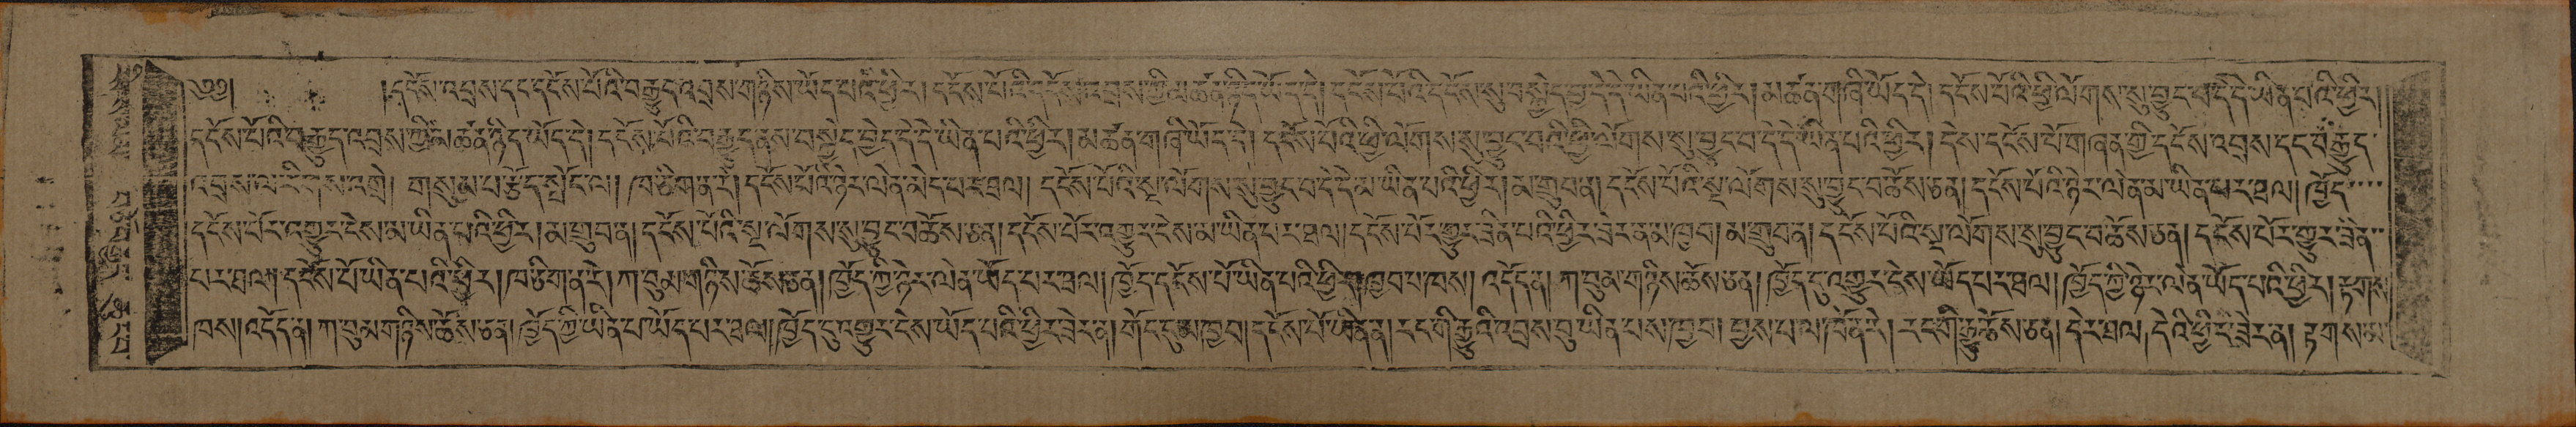༄༅། །དངོས་འབྲས་དང་དངོས་པོའི་བརྒྱུད་འབྲས་གཉིས་ཡོད་པའི་ཕྱིར། དངོས་པོའི་དངོས་འབྲས་ཀྱི་མཚན་ཉིད་ཡོད་དེ། དངོས་པོའི་དངོས་སུ་བསྐྱེད་བྱ་དེ་དེ་ཡིན་པའི་ཕྱིར། མཚན་གཞི་ཡོད་དེ། དངོས་པོའི་ཕྱི་ལོགས་སུ་བྱུང་བ་དེ་དེ་ཡིན་པའི་ཕྱིར།
དངོས་པོའི་བརྒྱུད་འབྲས་ཀྱི་མཚན་ཉིད་ཡོད་དེ། དངོས་པོའི་བརྒྱུད་ནས་བསྐྱེད་བྱེད་དེ་དེ་ཡིན་པའི་ཕྱིར། མཚན་གཞི་ཡོད་དེ། དངོས་པོའི་ཕྱི་ལོགས་སུ་བྱུང་བའི་ཕྱི་ལོགས་སུ་བྱུང་བ་དེ་དེ་ཡིན་པའི་ཕྱིར། དེས་དངོས་པོ་གཞན་གྱི་དངོས་འབྲས་དང་བརྒྱུད་
འབྲས་ལ་རིགས་འགྲེ། གསུམ་པ་རྩོད་སྤོང་ལ། ཁ་ཅིག་ན་རེ། དངོས་པོའི་ཉེར་ལེན་མེད་པར་ཐལ། དངོས་པོའི་སྔ་ལོགས་སུ་བྱུང་བ་དེ་དེ་མ་ཡིན་པའི་ཕྱིར། མ་གྲུབ་ན། དངོས་པོའི་སྔ་ལོགས་སུ་བྱུང་བ་ཆོས་ཅན། དངོས་པོའི་ཉེར་ལེན་མ་ཡིན་པར་ཐལ། ཁྱོད་
དངོས་པོར་འགྱུར་ངེས་མ་ཡིན་པའི་ཕྱིར། མ་གྲུབ་ན། དངོས་པོའི་སྔ་ལོགས་སུ་བྱུང་བ་ཆོས་ཅན། དངོས་པོར་འགྱུར་ངེས་མ་ཡིན་པར་ཐལ། དངོས་པོར་གྱུར་ཟིན་པའི་ཕྱིར། ཟེར་ན་མ་ཁྱབ། མ་གྲུབ་ན། དངོས་པོའི་སྔ་ལོགས་སུ་བྱུང་བ་ཆོས་ཅན། དངོས་པོར་གྱུར་ཟིན་
པར་ཐལ། དངོས་པོ་ཡིན་པའི་ཕྱིར། ཁ་ཅིག་ན་རེ། ཀ་བུམ་གཉིས་ཆོས་ཅན། ཁྱོད་ཀྱི་ཉེར་ལེན་ཡོད་པར་ཐལ། ཁྱོད་དངོས་པོ་ཡིན་པའི་ཕྱིར། ཁྱབ་པ་ཁས། འདོད་ན། ཀ་བུམ་གཉིས་ཆོས་ཅན། ཁྱོད་དུ་འགྱུར་ངེས་ཡོད་པར་ཐལ། ཁྱོད་ཀྱི་ཉེར་ལེན་ཡོད་པའི་ཕྱིར། རྟགས་
ཁས༑ འདོད་ན། ཀ་བུམ་གཉིས་ཆོས་ཅན། ཁྱོད་ཀྱི་ཡིན་པ་ཡོད་པར་ཐལ། ཁྱོད་དུ་འགྱུར་ངེས་ཡོད་པའི་ཕྱིར་ཟེར་ན། གོང་དུ་མ་ཁྱབ། དངོས་པོ་ཡིན་ན། རང་གི་རྒྱུའི་འབྲས་བུ་ཡིན་པས་ཁྱབ། བྱས་པ་ལ་ཁོ་ན་རེ། རང་གི་རྒྱུ་ཆོས་ཅན། དེར་ཐལ། དེའི་ཕྱིར་ཟེར་ན། རྟགས་མ་